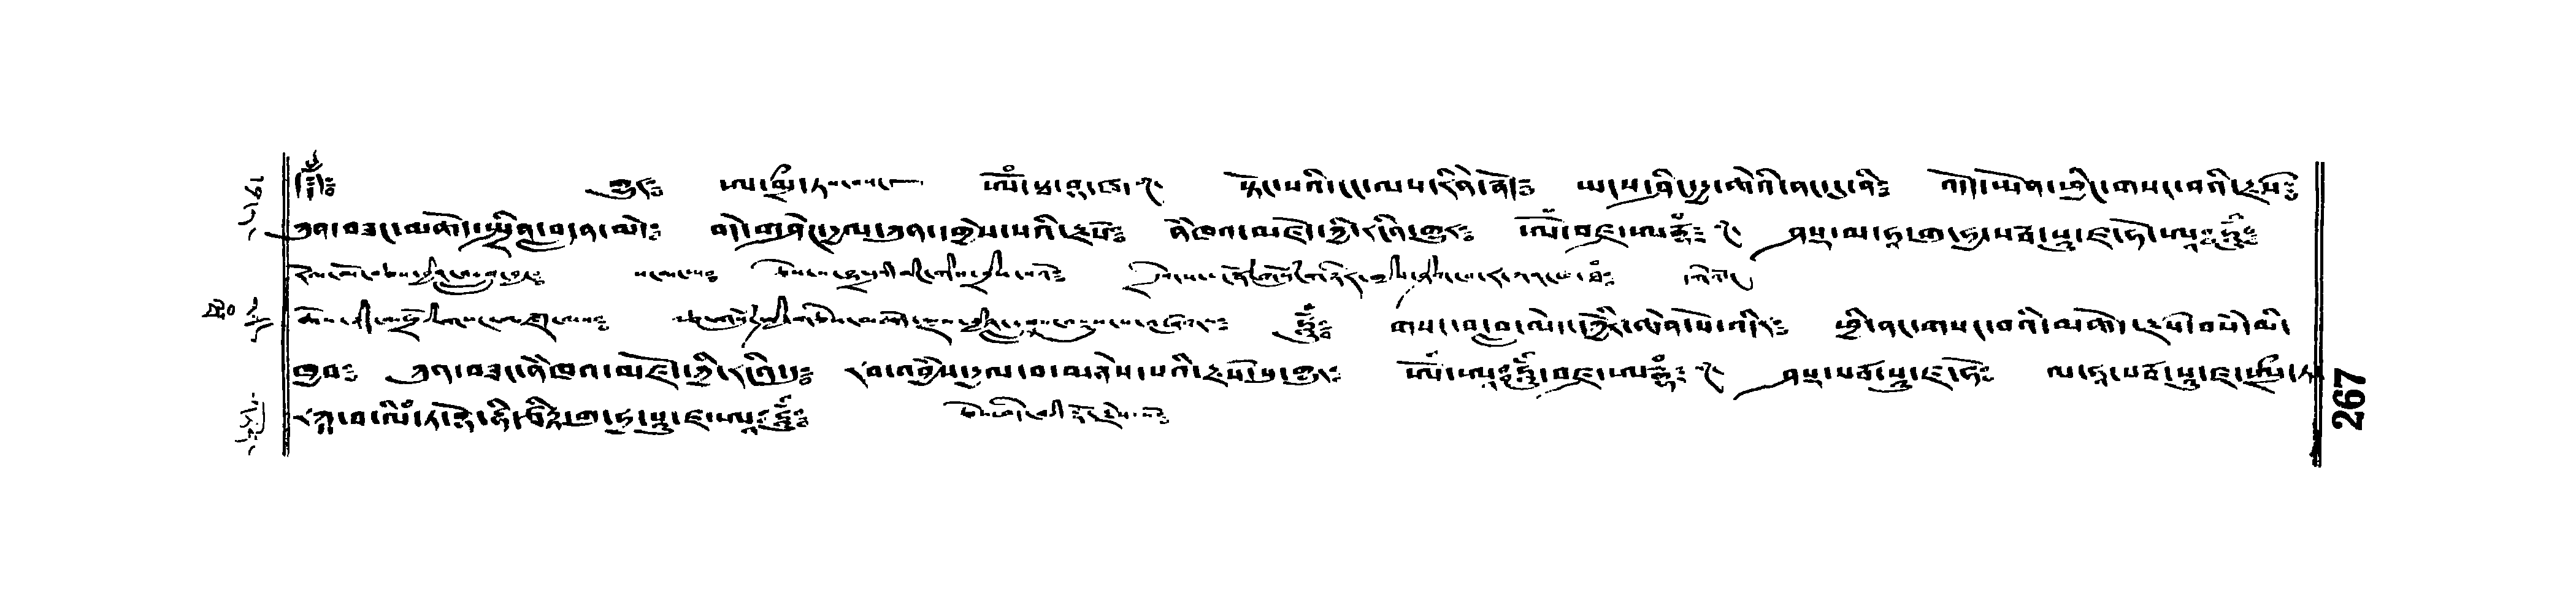གྱུར༔ ཨ་མྲྀ་ཏ ས་བསངས༔ ཨོཾ་སྭ་བྷ་ཝ་སོགས༔ སྟོང་པའི་ངང་ལས་རིན་ཆེན་སྣོད༔ ཡངས་ཤིང་རྒྱ་ཆེའི་ནང་དུ་ནི༔ འདོད་ཡོན་ཕྱི་ནང་གསང་བའི་རྫས༔ 
ཀུན་བཟང་མཆོད་སྤྲིན་བླ་ན་མེད༔ བདེ་གཤེགས་རྒྱལ་ཀུན་དགྱེས་པའི་རྫས༔ ནམ་མཁའ་མཛོད་ཀྱི་རང་བཞིན་གྱུར༔ ཨོཾ་བཛྲ་ཨརྒྷཾ༴ སོགས༔ ཤཔྡ་མ་ཧཱ་གུ་ཧྱ་སརྦ་པཱུ་ཛ་ཧོ་ཨཱཿཧཱུྃ༔ 
རོལ་མོ་བཅས་བྱིན་བརླབ་བྱ༔ ས་མ་ཡ༔ ཞེས་པ་བྷ་དྲའི་མིང་གིས་བྲིས་པའོ༔ དྲེགས་པ་རྣམ་གསུམ་གཉེར་གྱིས་ཤིག་ན་ར་ཀན་ཁ་ཐཾ༔ དགེའོ།། 
ཆོས་ཉིད་མཁའ་འགྲོའི་གསང་མཛོད་ལས༔ རྩ་གསུམ་སྤྱི་གཅེས་མཆོད་རྫས་བྱིན་རླབས་བསྡུས་པ་བཞུགས༔ ཧཱུྃ༔ གསང་བ་བླ་མེད་དཀྱིལ་འཁོར་ཆེན་པོ་འདིར༔ ཕྱི་ནང་གསང་བའི་མཆོད་རྫས་བསམ་མི་
ཁྱབ༔ ཀུན་བཟང་ནམ་མཁའ་མཛོད་ཀྱི་རང་བཞིན་དུ༔ རབ་འབྱམས་རྒྱལ་བ་མཉེས་པའི་རྫས་སུ་གྱུར༔ ཨོཾ་ཨཱཿཧཱུྃ་བཛྲ་ཨརྒྷཾ༴ སོགས༔ ཤཔྡ་སརྦ་པཱུ་ཛ་ཧོ༔ མ་ཧཱ་སརྦ་པཱུ་ཛ་ཨ་མྲྀ་ཏ་
རཀྟ་བ་ལིཾ་ཏ་བྷོ་དྷི་ཙིཏྟ་གུ་ཧྱ་པཱུ་ཛ་ཨཱཿཧཱུྃ༔ ཅེས་བདེ་བའི་རྡོ་རྗེས་སོ།།